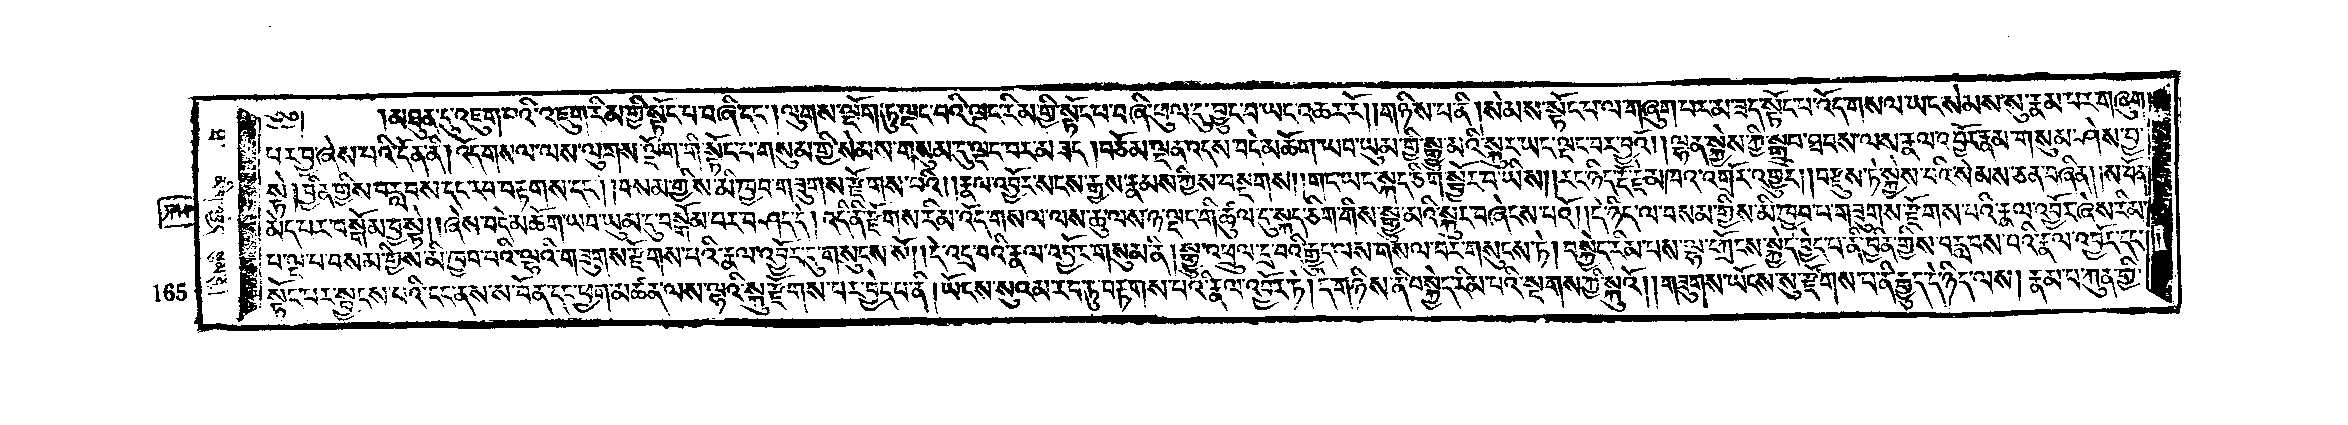༄༅། །མཐུན་དུ་འཇུག་པའི་འཇུག་རིམ་གྱི་སྟོང་པ་བཞི་དང་། ལུགས་ལྡོག་ཏུ་ལྡང་བའི་ལྡང་རིམ་གྱི་སྟོང་པ་བཞི་ཕུལ་དུ་བྱུང་བ་ཡང་འཆར་རོ། །གཉིས་པ་ནི། སེམས་སྟོང་པ་ལ་གཞུག་པར་མ་ཟད་སྟོང་པ་འོད་གསལ་ཡང་སེམས་སུ་རྣམ་པར་གཞུག་
པར་བྱ་ཞེས་པའི་དོན་ནི། འོད་གསལ་ལས་ལུགས་ལྡོག་གི་སྟོང་པ་གསུམ་གྱི་སེམས་གསུམ་དུ་ལྡང་བར་མ་ཟད། བཅོམ་ལྡན་འདས་བདེ་མཆོག་ཡབ་ཡུམ་གྱི་སྒྱུ་མའི་སྐུར་ཡང་ལྡང་བར་བྱའོ། །ལྷན་སྐྱེས་ཀྱི་སྒྲུབ་ཐབས་ལས་རྣལ་འབྱོར་རྣམ་གསུམ་ཤེས་བྱ་
སྟེ། བྱིན་གྱིས་བརླབས་དང་རབ་བརྟགས་དང་། །བསམ་གྱིས་མི་ཁྱབ་གཟུགས་རྫོགས་པའི། །རྣལ་འབྱོར་སངས་རྒྱས་རྣམས་ཀྱིས་བསྔགས། །གང་ཡང་སྐད་ཅིག་སྦྱོར་བ་ཡིས། །རང་ཉིད་རྡོ་རྗེ་མཁའ་འགྲོར་འགྱུར། །བརྫུས་ཏེ་སྐྱེས་པའི་སེམས་ཅན་བཞིན། །ས་བོན་
མེད་པར་བསྒོམ་བྱ་སྟེ། །ཞེས་བདེ་མཆོག་ཡབ་ཡུམ་དུ་བསྒོམ་པར་བཤད་དེ། འདི་ནི་རྫོགས་རིམ་འོད་གསལ་ལས་ཆུ་ལས་ཉ་ལྡང་གི་ཚུལ་དུ་སྐད་ཅིག་གིས་སྒྱུ་མའི་སྐུར་བཞེངས་པའོ། །དེ་ཉིད་ལ་བསམ་གྱིས་མི་ཁྱབ་པ་གཟུགས་རྫོགས་པའི་རྣལ་འབྱོར་ཞེས་རིམ་
པ་ལྔ་པ་བསམ་གྱིས་མི་ཁྱབ་པའི་ལྷའི་གཟུགས་རྫོགས་པའི་རྣལ་འབྱོར་དུ་གསུངས་སོ། །དེ་འདྲ་བའི་རྣལ་འབྱོར་གསུམ་ནི། སྒྱུ་འཕྲུལ་དྲ་བའི་རྒྱུད་ལས་གསལ་བར་གསུངས་ཏེ། བསྐྱེད་རིམ་པས་ལྷ་དཀྲོངས་སྐྱེད་བྱེད་པ་ནི་བྱིན་གྱིས་བརླབས་པའི་རྣལ་འབྱོར་དང་
སྟོང་པར་སྦྱངས་པའི་ངང་ནས་ས་བོན་དང་ཕྱག་མཚན་ལས་ལྷའི་སྐུ་རྫོགས་པར་བྱེད་པ་ནི། ཡོངས་སུའམ་རབ་ཏུ་བརྟགས་པའི་རྣལ་འབྱོར་ཏེ། དེ་གཉིས་ནི་བསྐྱེད་རིམ་པའི་སྔགས་ཀྱི་སྐུའོ། །གཟུགས་ཡོངས་སུ་རྫོགས་པ་ནི་རྒྱུད་དེ་ཉིད་ལས། རྣམ་པ་ཀུན་གྱི་